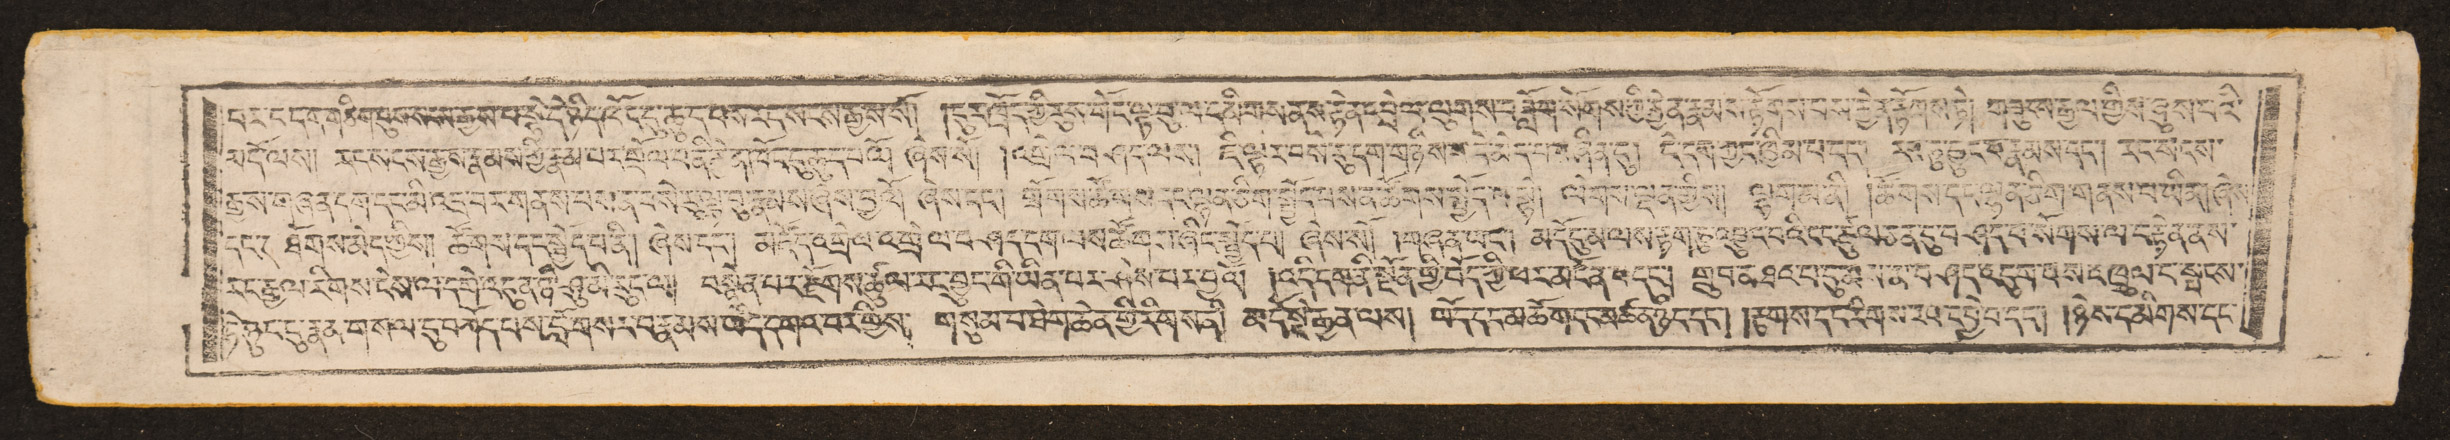པར་བདག་གཅིག་པུས་སངས་རྒྱས་ང་སྟེ་དེ་ཉིད་ཁོང་དུ་ཆུད་པས་རང་སངས་རྒྱས་སོ། །དུར་ཁྲོད་ཀྱི་རུས་གོང་ལྟ་བུ་ལ་དམིགས་ནས་རྟེན་འབྲེལ་ལུགས་བཟློག་སོགས་ཀྱི་རྐྱེན་རྣམས་རྟོགས་པས་རྐྱེན་རྟོགས་ཏེ། གཟུངས་རྒྱལ་གྱིས་ཞུས་པའི་
མདོ་ལས། རང་སངས་རྒྱས་རྣམས་ཀྱི་རྣམ་པར་གྲོལ་བ་ནི་རྐྱེན་ཁོང་དུ་ཆུད་པའོ། ཞེས་སོ། །འགྲེལ་བཤད་ལས། ཇི་ལྟར་བསེ་རུ་དག་གཉིས་པ་དེ་མེད་པ་བཞིན་དུ། དེ་དག་ཀྱང་ཁྱིམ་པ་དང་། རབ་ཏུ་བྱུང་བ་རྣམས་དང་། རང་སངས་
རྒྱས་གཞན་དག་དང་མི་འདྲ་བར་གནས་བསན་བསེ་རུ་ལྟ་བུ་རྣམས་ཞེས་བྱའོ། ཞེས་དང་། གྲོགས་ཚོགས་དང་ལྷན་ཅིག་སྤྱོད་པས་ན་ཚོགས་སྤྱོད་བ་སྟེ། ལེགས་ལྡན་གྱིས། ལྷག་མ་ནི། །ཚོགས་དང་ལྷན་ཅིག་གནས་པ་ཡིན། ཞེས་
དང༑ ཐོགས་མེད་ཀྱིས། ཚོགས་དང་སྤྱོད་པ་ནི། ཞེས་དང་། མཛོད་འགྲེལ་འགྲེལ་བཤད་དག་ལས་ཚོགས་ཞིང་སྤྱོད་པ། ཞེས་སོ། །གཞན་ཡང་། མདོ་དུ་མ་ལས་རྟག་ཏུ་འབྱུང་བའི་དད་ཚུལ་ཅན་དུ་བཤད་པ་སོགས་ལ་བརྟེན་ནས་
རང་རྒྱལ་རིགས་ངེས་ལ་དགེ་འདུན་ཉི་ཤུ་མི་རུང་ལ། བསྙེན་པར་རྫོགས་ཚུལ་རང་བྱུང་གི་ཡིན་པར་ཤེས་པར་བྱའོ། །འདི་དག་ནི་སྔོན་གྱི་བོད་ཀྱི་ཕར་མངོན་པ་དང་། གྲུབ་མཐའ་བ་དུ་མས་མ་བཤད་འདུག་པས་འཁྲུལ་བ་སྤངས་
ཏེ་ཉུང་ངུ་རྣམ་གསལ་དུ་བཀོད་པས་བློ་གསར་བ་རྣམས་ཡིད་དགའ་བར་གྱིས། གསུམ་པ་ཐེག་ཆེན་གྱི་རིགས་ནི། མདོ་སྡེ་རྒྱན་ལས། ཡོད་དང་མཆོག་དང་མཚན་ཉིད་དང་། །རྟགས་དང་རིགས་རབ་དབྱེ་བ་དང་། །ཉེས་དམིགས་དང་